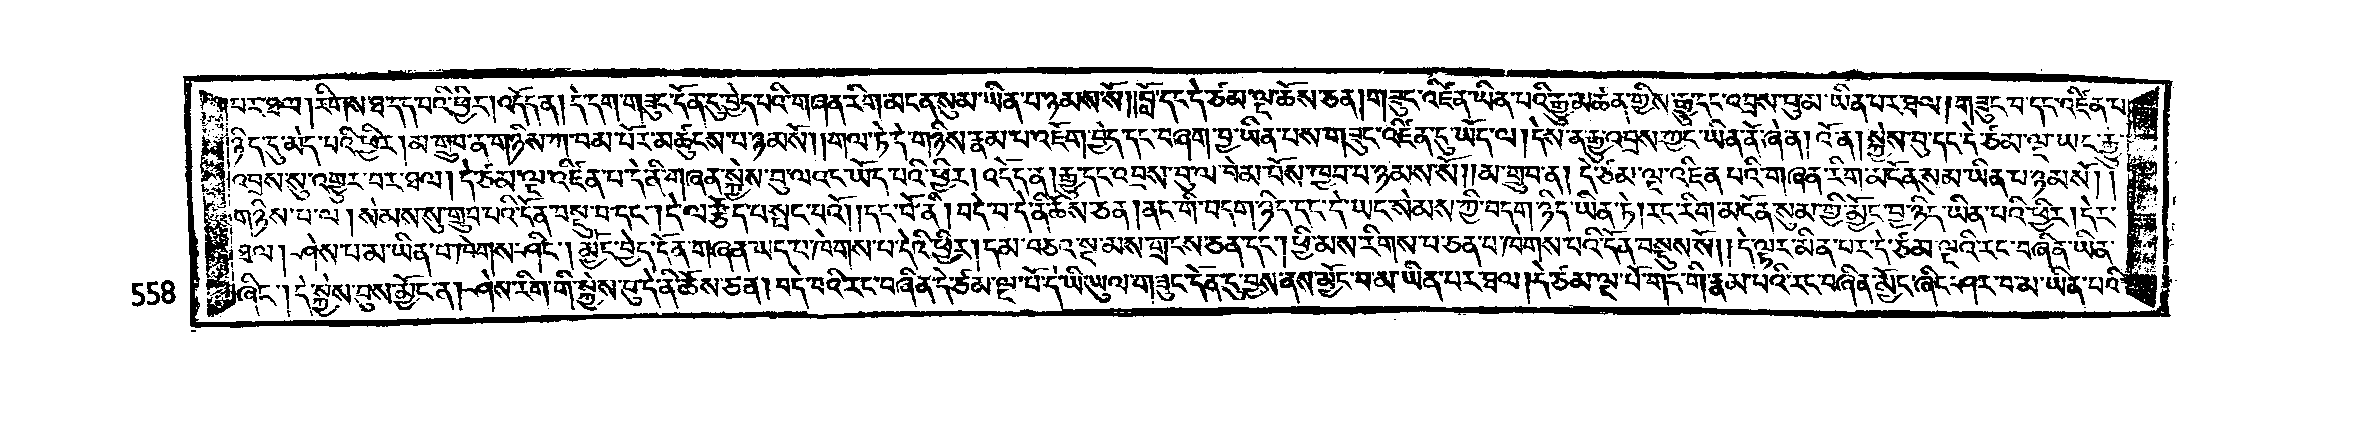པར་ཐལ། རིགས་ཐ་དད་པའི་ཕྱིར། འདོད་ན། དེ་དག་གཟུང་དོན་དུ་བྱེད་པའི་གཞན་རིག་མངན་སུམ་ཡིན་པ་ཉམས་སོ། །བློ་དང་དེ་ཙམ་ལྔ་ཆོས་ཅན། གཟུང་འཛིན་ཡིན་པའི་རྒྱུ་མཚན་གྱིས་རྒྱུ་དང་འབྲས་བུ་མ་ཡིན་པར་ཐལ། གཟུང་བ་དང་འཛིན་པ་
ཉིད་དུ་མེད་པའི་ཕྱིར། མ་གྲུབ་ན་གཉིས་ཀ་བམ་པོར་མཚུངས་པ་ཉམས་སོ། །གལ་ཏེ་དེ་གཉིས་རྣམ་པ་འཇོག་བྱེད་དང་བཞག་བྱ་ཡིན་པས་གཟུང་འཛིན་དུ་ཡོད་ལ། དེས་ན་རྒྱུ་འབྲས་ཀྱིང་ཡིན་ནི་ཞེ་ན། འོ་ན། སྐྱེས་བུ་དང་དེ་ཙམ་ལྔ་ཡང་རྒྱུ་
འབྲས་སུ་འགྱུར་བར་ཐལ། དེ་ཙམ་ལྔ་འཛིན་པ་དེ་ནི་གཞན་སྐྱེས་བུ་ལའང་ཡོད་པའི་ཕྱིར། འདོད་ན། རྒྱུ་དང་འབྲས་བུ་ལ་བེམ་པོས་ཁྱབ་པ་ཉམས་སོ། །མ་གྲུབ་ན། དེ་ཙམ་ལྔ་འཛིན་པའི་གཞན་རིག་མངོན་སུམ་ཡིན་པ་ཉམ་སོ། །
གཉིས་པ་ལ། སེམས་སུ་གྲུབ་པའི་དོན་བསྡུ་བ་དང་། དེ་ལ་རྩོད་པ་སྤང་པའོ། །དང་པོ་ནི། བདེ་བ་དེ་ནི་ཆོས་ཅན། ནང་གི་བདག་ཉིད་དང་དེ་ཡང་སེམས་ཀྱི་བདག་ཉིད་ཡིན་ཏེ། རང་རིག་མངོན་སུམ་གྱི་མྱོང་བྱ་ཉིད་ཡིན་པའི་ཕྱིར། དེར་
ཐལ། ཤེས་པ་མ་ཡིན་པ་ཁོགས་ཤིང་། མྱོང་བྱེད་དོན་གཞན་ཡང་པ་ཁེགས་པ་དེའི་ཕྱིར། དམ་བཅའ་སྔ་མས་གྲངས་ཅན་དང་། ཕྱི་མས་རིགས་པ་ཅན་པ་ཁེགས་པའི་དོན་བསྡུས་སོ། །དེ་ལྟར་མིན་པར་དེ་ཙམ་ལྔའི་རང་བཞིན་ཡིན་
ཞིང་། དེ་སྐྱེས་བུས་མྱོང་ན། ཤེས་རིག་གི་སྐྱེས་བུ་དེ་ནི་ཆོས་ཅན། བདེ་བའི་རང་བཞིན་དེ་ཙམ་ལྔ་པོ་དེ་ཡི་ཡུལ་གཟུང་དོན་དུ་བྱས་ནས་མྱོང་བ་མ་ཡིན་པར་ཐལ། དེ་ཙམ་ལྔ་པོ་གང་གི་རྣམ་པའི་རང་བཞིན་མྱོང་ཞིང་ཤར་བ་མ་ཡིན་པའི་